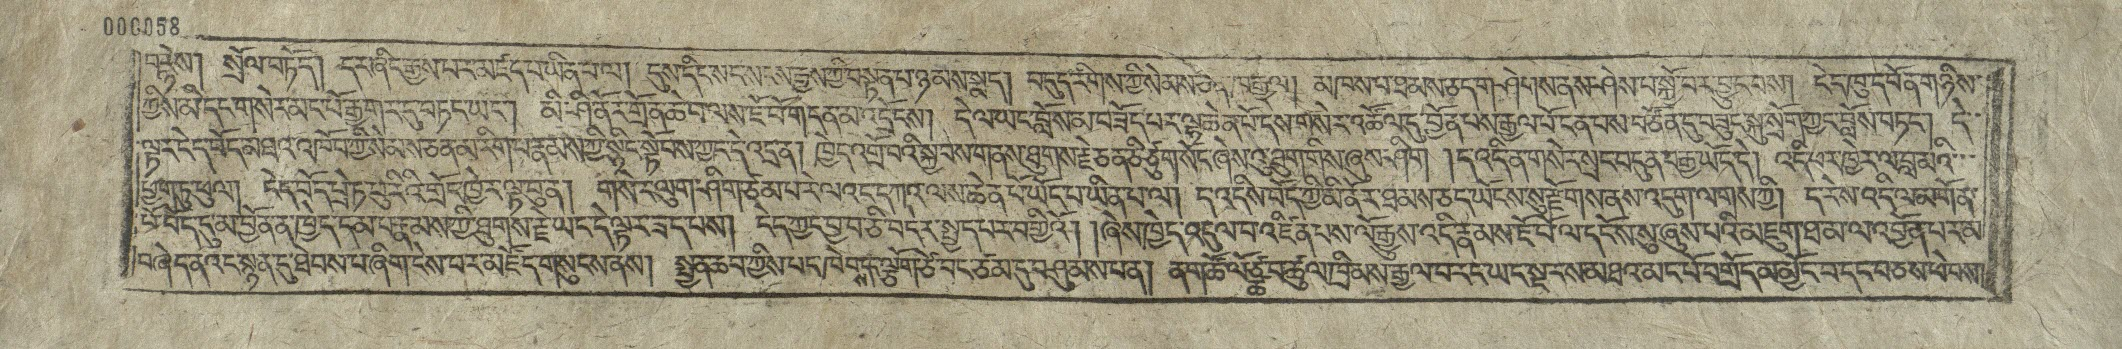བརྙེས། སྲོལ་བཏོད། དར་ཞིང་རྒྱས་པར་མཛད་པ་ཡིན་པ་ལ། དུས་དིང་སང་སངས་རྒྱས་ཀྱི་བསྟན་པ་ཉམས་སྨད། བདུད་རིགས་ཀྱི་སེམས་ཅན་ཁ་རྒྱལ། མཁས་པ་ཐམས་ཅད་གཤེགས་ནས་ཤེས་པ་སྐྱོ་བར་བྱུང་བས། ངེད་ཁུ་དབོན་གཉིས་
ཀྱིས་མི་དང་གསེར་མང་པོ་རྒྱ་གར་དུ་བཏང་ཡང་། མི་ཤི་ནོར་གྲོན་ཆེ་བ་ལས་ཇོ་བོ་གདན་མ་འདྲོངས། དེ་ལ་ཡང་བློས་མ་བཟོད་པར་ལྷ་ཆེན་པོ་དེས་གསེར་འཚོལ་དུ་བྱོན་པས་རྒྱལ་པོ་ངན་པས་བཙོན་དུ་བཟུང་སྐུ་སྲོག་ཀྱང་བློས་བཏང་། དེ་
ལྟར་ངེད་བོད་མཐའ་འཁོབ་ཀྱི་སེམས་ཅན་མ་རིག་པ་རྣམས་ཀྱི་སྙིང་སྟོབས་ཀྱང་དེ་འདྲ་ན། ཁྱེད་འགྲོ་བའི་སྐྱབས་གནས་ཐུགས་རྗེ་ཅན་ཅི་ཙུག་སོང་ཞེས་འུ་ཐུག་གིས་ཞུས་ཤིག །ད་འདི་ན་གསེར་སྲང་བདུན་བརྒྱ་ཡོད་དེ། འདི་ཕར་ཁྱེར་ལ་བླ་མའི་
ཕྱག་ཏུ་ཕུལ། ངེད་བོད་པྲེ་ཏ་པུ་རིའི་གྲོང་ཁྱེར་ལྟ་བུ་ན། གསེར་ལུག་ཤིག་ཙམ་པ་རེ་ལའང་དཀའ་ལས་ཆེན་པོ་ཡོད་པ་ཡིན་པ་ལ། ད་འདིས་བོད་ཀྱི་མི་ནོར་ཐམས་ཅད་ཡོངས་སུ་རྫོགས་ནས་འདུག་ལགས་ཀྱི། ད་རེས་འདི་ལ་མགོན་
པོ་བོད་དུ་མ་བྱོན་ན་ཁྱེད་དམ་པ་རྣམས་ཀྱི་ཐུགས་རྗེ་ཡང་དེ་ལྟར་ཟད་པས། ངེད་ཀྱང་བྱ་བ་ཅི་བདེར་སྤྱད་པར་བགྱིའོ། །ཞེས་ཁྱེད་འདུལ་བ་འཛིན་པས་ལོ་རྒྱུས་འདི་རྣམས་ཇོ་བོ་ལ་དངོས་སུ་ཞུས་པའི་མཇུག་ཐ་མ་ལ་འབྱོན་པར་མ་
བཞེད་ནའང་སྙན་དུ་ཐེབས་པ་ཞིག་ངེས་པར་མཛོད་གསུངས་ནས། སྤྱན་ཆབ་ཀྱིས་པང་ཁེབས་དང་ལྕོག་ཙེ་བང་ཙམ་དུ་བཤུམས་པ་ན། ནག་ཚོ་ལོ་ཙྪ་བ་ཚུལ་ཁྲིམས་རྒྱལ་བ་རང་ཡང་སྔར་ས་མཐའ་མང་པོ་བགྲོད་མ་མྱོང་བ་དང་བཅས་ཕེབས་